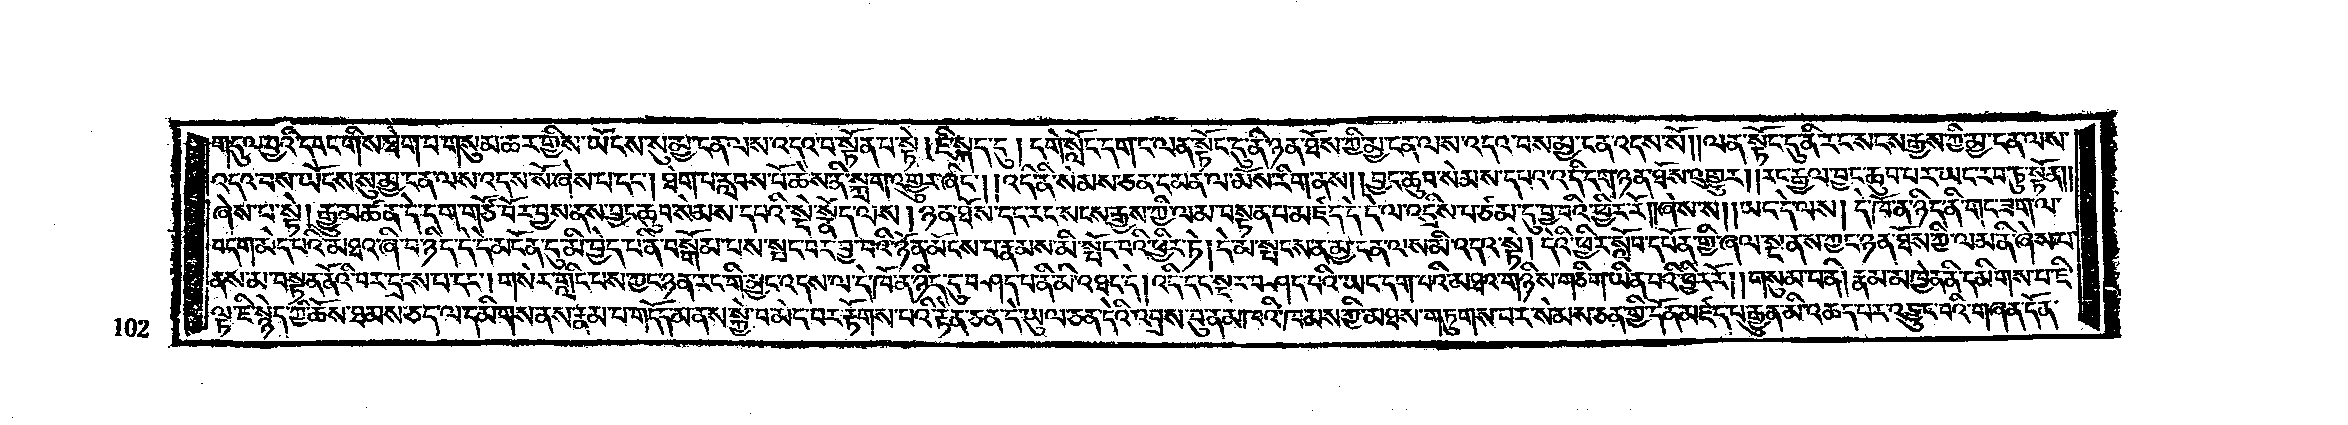གདུལ་བྱའི་དབང་གིས་ཐེག་པ་གསུམ་ཆར་གྱིས་ཡོངས་སུ་མྱ་ངན་ལས་འདའ་བ་སྟོན་པ་སྟེ། ཇི་སྐད་དུ། དགེ་སློང་དག་ང་ལན་སྟོང་དུ་ནི་ཉན་ཐོས་ཀྱི་མྱ་ངན་ལས་འདའ་བས་མྱ་ངན་འདས་སོ། །ལན་སྟོང་དུ་ནི་རང་སངས་རྒྱས་ཀྱི་མྱ་ངན་ལས་
འདའ་བས་ཡོངས་སུ་མྱ་ངན་ལས་འདས་སོ་ཞེས་པ་དང་། ཐེག་པ་རླབས་པོ་ཆེས་ནི་སྐྲག་འགྱུར་ཞིང་། །འདི་ནི་སེམས་ཅན་དམན་ལ་མོས་རིག་ནས། །བྱང་ཆུབ་སེམས་དཔའ་འདི་དག་ཉན་ཐོས་འགྱུར། །རང་རྒྱལ་བྱང་ཆུབ་པར་ཡང་རབ་ཏུ་སྟོན། །
ཞེས་པ་སྟེ། རྒྱུ་མཚན་དེ་དག་གཙོ་བོར་བྱས་ནས་བྱང་ཆུབ་སེམས་དཔའི་སྡེ་སྣོད་ལས། ཉན་ཐོས་དང་རང་སངས་རྒྱས་ཀྱི་ལམ་བསྟན་པ་མཛད་དེ་དེ་ལ་འདྲིས་པ་ཙམ་དུ་བྱ་བའི་ཕྱིར་རོ། །ཞེས་སོ། །ཡང་དེ་ལས། དེ་ཁོ་ན་ཉིད་ནི་གང་ཟག་ལ་
བདག་མེད་པའི་མཐའ་ཞི་བ་ཉིད་དེ་དེ་མངོན་དུ་མི་བྱེད་པ་ནི་བསྒོམ་པས་སྤང་བར་བྱ་བའི་ཉོན་མོངས་པ་རྣམས་མི་སྤོང་བའི་ཕྱིར་ཏེ། དེ་མ་སྤངས་ན་མྱ་ངན་ལས་མི་འདའ་སྟེ། དེའི་ཕྱིར་སློབ་དཔོན་གྱི་ཞལ་སྔ་ནས་ཀྱང་ཉན་ཐོས་ཀྱི་ལམ་ནི་ཞེས་པ་
ནས་མ་བསྟན་ནོའི་བར་དྲངས་པ་དང་། གསེར་གླིང་པས་ཀྱང་ཉན་རང་གི་མྱང་འདས་ལ་དེ་ཁོ་ན་ཉིད་དུ་བཤད་པ་ནི་མི་འཐད་དེ། འདི་དང་སྔར་བཤད་པའི་ཡང་དག་པའི་མཐའ་གཉིས་གཅིག་ཡིན་པའི་ཕྱིར་རོ། །གསུམ་པ་ནི། རྣམ་མཁྱེན་ནི་དམིགས་པ་ཇི་
ལྟ་ཇི་སྙེད་ཀྱི་ཆོས་ཐམས་ཅད་ལ་དམིགས་ནས་རྣམ་པ་གདོད་མ་ནས་སྐྱེ་བ་མེད་པར་རྟོགས་པའི་རྟེན་ཅན་དེ་ཡུལ་ཅན་དེའི་འབྲས་བུ་ནམ་མཁའི་ཁམས་ཀྱི་མཐས་གཏུགས་པར་སེམས་ཅན་གྱི་དོན་མཛད་པ་རྒྱུན་མི་འཆད་པར་འབྱུང་བའི་གཞན་དོན་